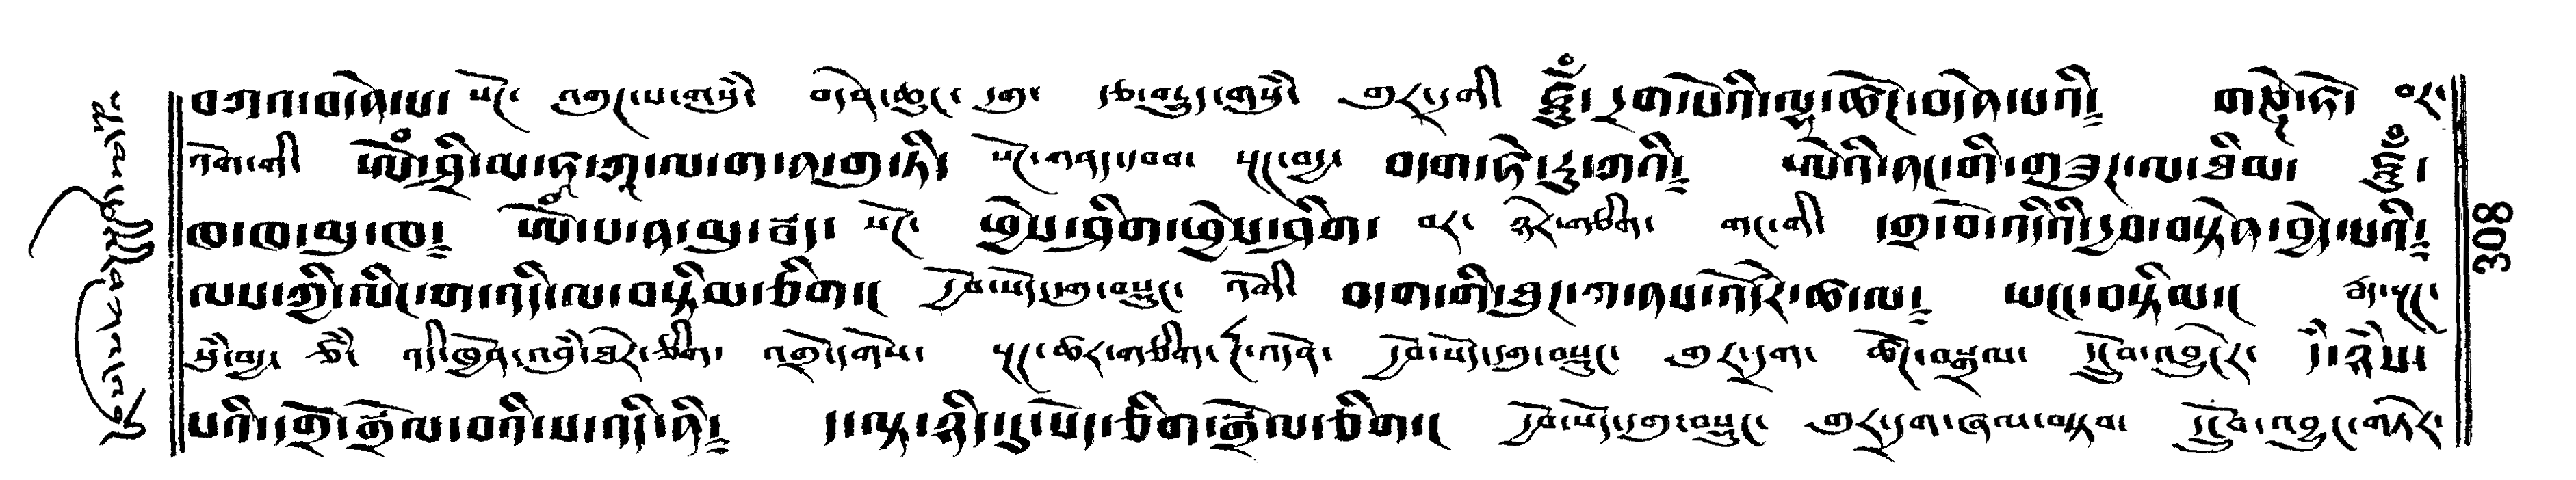བཀའ་བདེན་པ༴ སོགས། འགུགས་པ་གསུམ། བདེན་ཆུང་དགུ། རྩ་བརྒྱུད་གསུམ། གུར་དྲག་གི། ཧཱུྃ་དྲག་པོའི་ལྷ་ཚོགས་བདེན་པའི༴ གཎྜེ་ཧོ། བར་
འོག་གི ཨོཾ་ཤྲཱི་མ་ཧཱ་ཀཱ་ལ་ག་ན་གུ་ཏི། སོགས་གནད་དབབ་སྔགས་བརྒྱ། བདག་ཧེ་རུ་ཀའི༴ ཨེའི་ནང་གི་གཟུགས་ལ་ཐིམ། ཧཱུྃ། 
ཁ་ཁ་མུ་ཁ༴ ཨོཾ་པ་ན་མུ་རྦད༴ སོགས། ཕྱེས་ཤིག་ཕྱེས་ཤིག བར་ཉེར་གཅིག གོང་གི དགྲ་བོ་འདིའི་རྒྱབ་རྟེན་བྱེད་པའི༴ 
ལས་ཀྱི་ལིང་ག་འདི་ལ་བསྟིམ་ཅིག རྒྱོབ་སོད་དགུ་རྡུང་། འོག་གི བདག་གི་ཐུགས་ཀ་ནས་འོད་ཟེར་ཚ་ལ༴ ཡང་ཡང་བསྟིམ། རྦད་སྔགས་
སུམ་བརྒྱ་ཙམ། འདི་ཁྱོན་འབུམ་ཐེར་གཅིག་འགྲོ་དགོས། སྔགས་ཚར་གཅིག་རྔ་འདོན། རྒྱོབ་སོད་དགུ་རྡུང་། གུར་དྲག་ཚོགས་བསྒྲལ། དངོས་གྲུབ་འབྱུང་གཏེར། དམ་ཉམས་
པའི་དགྲ་བོ་སྒྲོལ་པའི་ས་འདི་ནི༴ ད་ལྟ་ཉིད་དུ་སོད་ཅིག་སྒྲོལ་ཅིག རྒྱོབ་སོད་དགུ་རྡུང་། གུར་དྲག་ཞལ་བསྟབ། དངོས་གྲུབ་འབྱུང་གཏེར།